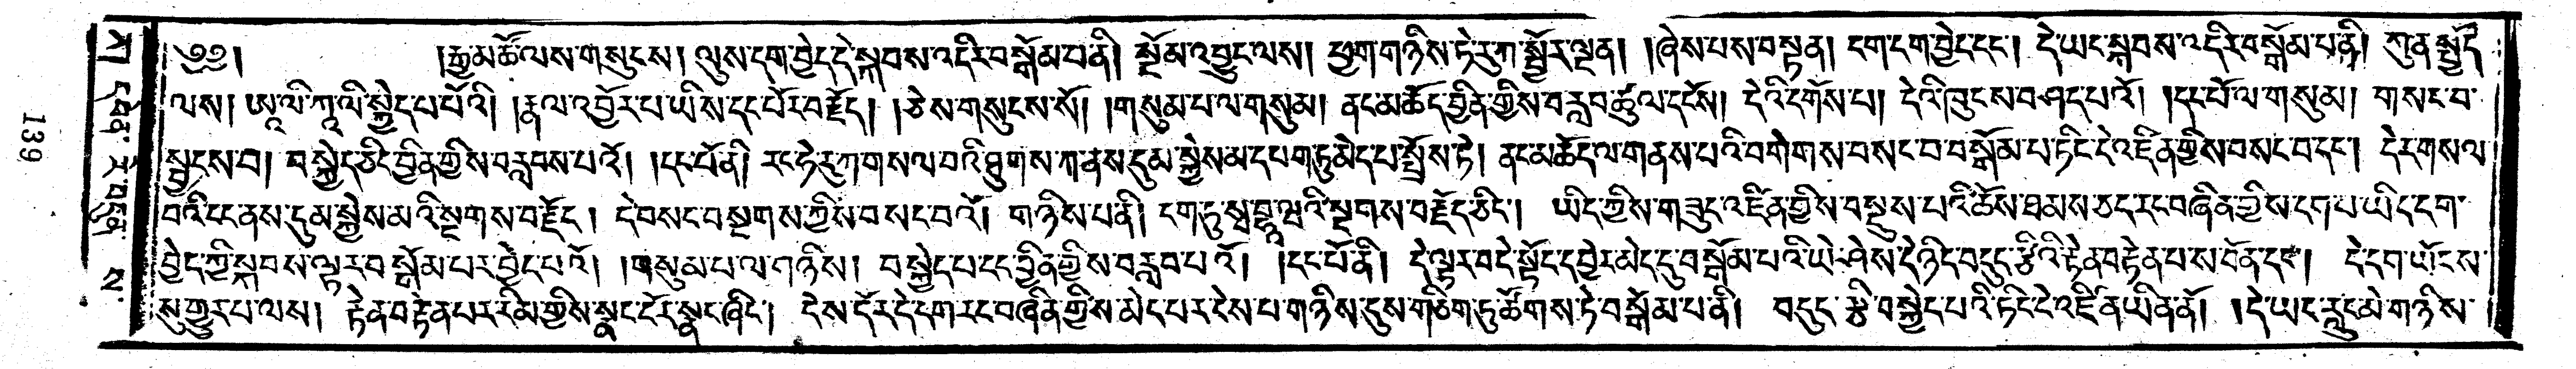༄༅། །རྒྱ་མཚོ་ལས་གསུངས། ལུས་དག་བྱེད་དེ་སྐབས་འདིར་བསྒོམ་པ་ནི། སྡོམ་འབྱུང་ལས། ཕྱག་གཉིས་ཏེ་རུ་ཀ་སྦྱོར་ལྡན། །ཞེས་པས་བསྟན། ངག་དག་བྱེད་དང་། དེ་ཡང་སྐབས་འདིར་བསྒོམ་པ་ནི། ཀུན་སྤྱོད་
ལས། ཨཱ་ལི་ཀཱ་ལི་སྐྱེད་པ་པོའི། །རྣལ་འབྱོར་པ་ཡིས་དང་པོར་བརྗོད། །ཅེས་གསུངས་སོ། །གསུམ་པ་ལ་གསུམ། ནང་མཆོད་བྱིན་གྱིས་བརླབ་ཚུལ་དངོས། དེའི་དགོས་པ། དེའི་ཁུངས་བཤད་པའོ། །དང་པོ་ལ་གསུམ། གསང་བ་
ཕ༹སྦྱངས་བ། བསྐྱེད་ཅིང་བྱིན་གྱིས་བརླབས་པའོ། །དང་པོ་ནི། རང་ཧེ་རུ་ཀ་གསལ་བའི་ཐུགས་ཀ་ནས་དུམ་སྐྱེས་མ་དཔག་ཏུ་མེད་པ་སྤྲོས་ཏེ། ནང་མཆོད་ལ་གནས་པའི་བགེགས་བསང་བ་བསྒོམ་པ་ཏིང་ངེ་འཛིན་གྱིས་བསང་བ་དང་། དེར་གསལ་
བའི་ངང་ནས་དུམ་སྐྱེས་མའི་སྔགས་བརྗོད། དེ་བསང་བསྔགས་ཀྱིས་བསང་བའོ། གཉིས་པ་ནི། ངག་ཏུ་སྭ་བྷཱ་ཝའི་སྔགས་བརྗོད་ཅིང་། ཡིད་ཀྱིས་གཟུང་འཛིན་གྱིས་བསྡུས་པའི་ཆོས་ཐམས་ཅད་རང་བཞིན་གྱིས་དག་པ་ཡིད་དག་
བྱེད་ཀྱི་སྐབས་ལྟར་བསྒོམ་པར་བྱེད་པའོ། །གསུམ་པ་ལ་གཉིས། བསྐྱེད་པ་དང་བྱིན་གྱིས་བརླབ་པའོ། །དང་པོ་ནི། དེ་ལྟར་བདེ་སྟོང་དབྱེར་མེད་དུ་བསྒོམ་པའི་ཡེ་ཤེས་དེ་ཉིད་བདུད་རྩིའི་རྟེན་བརྟེན་པ་ས་བོན་དང་། དེ་དག་ཡོངས་
སུ་གྱུར་པ་ལས། རྟེན་བརྟེན་པར་རིམ་གྱིས་སྣང་ངོར་སྣང་ཞིང་། དེས་དོར་དེ་དག་རང་བཞིན་གྱིས་མེད་པར་ངེས་པ་གཉིས་དུས་གཅིག་ཏུ་ཚོགས་ཏེ་བསྒོམ་པ་ནི། བདུད་རྩི་བསྐྱེད་པའི་ཏིང་ངེ་འཛིན་ཡིན་ནོ། །དེ་ཡང་རླུང་མེ་གཉིས་